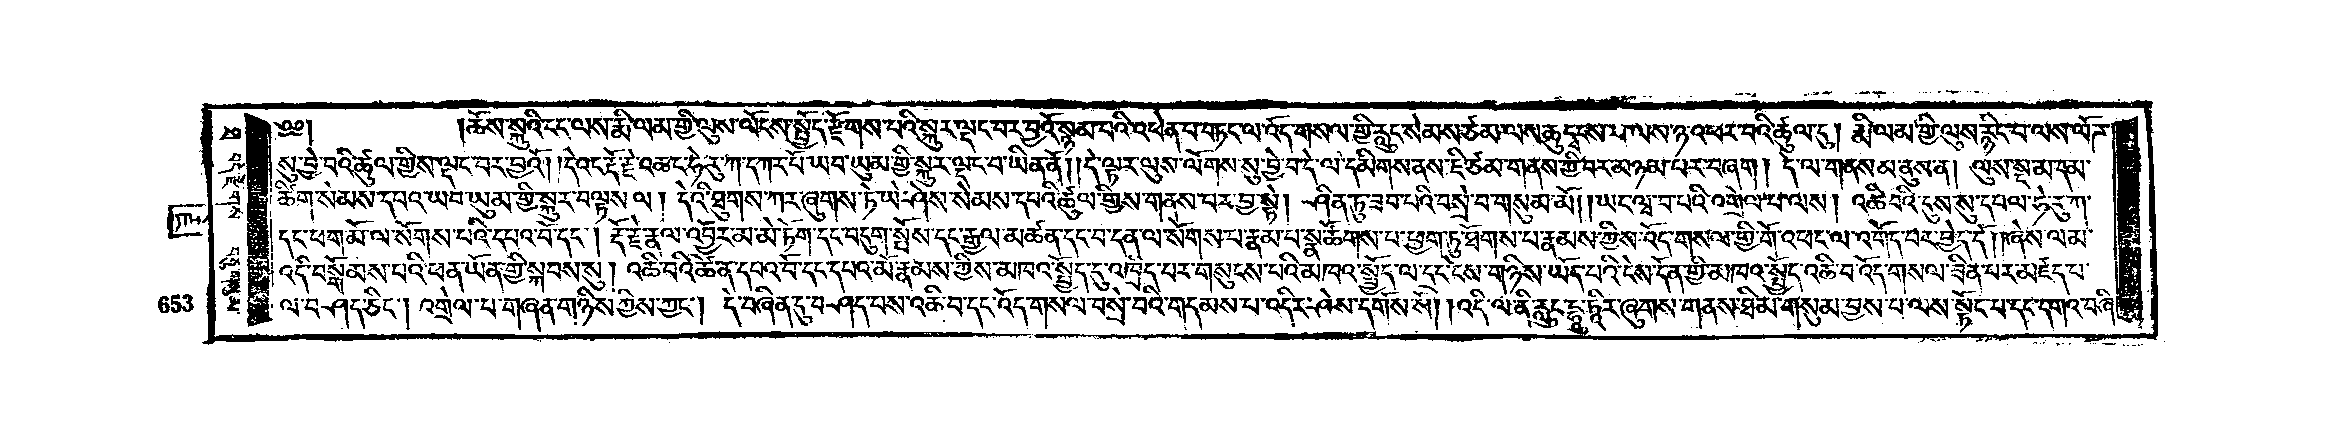༄༅། །ཆོས་སྐུའི་ངང་ལས་རྨི་ལམ་གྱི་ལུས་ལོངས་སྤྱོད་རྫོགས་པའི་སྐུར་ལྡང་བར་བྱའོ་སྙམ་པའི་འཕེན་པ་བཏང་ལ་འོད་གསལ་གྱི་རླུང་སེམས་ཙམ་ལས་ཆུ་དྭངས་པ་ལས་ཉ་འཕར་བའི་ཚུལ་དུ། རྨི་ལམ་གྱི་ལུས་རྙིང་པ་ལས་ལོགས་
སུ་བྱེ་བའི་ཚུལ་གྱིས་ལྡང་བར་བྱའོ། །དེའང་རྡོ་རྗེ་འཆང་ཧེ་རུ་ཀ་དཀར་པོ་ཡབ་ཡུམ་གྱི་སྐུར་ལྡང་བ་ཡིན་ནོ། །དེ་ལྟར་ལུས་ལོགས་སུ་བྱེ་བ་དེ་ལ་དམིགས་ནས་ཇི་ཙམ་གནས་ཀྱི་བར་མཉམ་པར་བཞག །དེ་ལ་གནས་མ་ནུས་ན། ལུས་སྔ་མ་དམ་
ཚིག་སེམས་དཔའ་ཡབ་ཡུམ་གྱི་སྐུར་བལྟས་ལ། དེའི་ཐུགས་ཀར་ཞུགས་ཏེ་ཡེ་ཤེས་སེམས་དཔའི་ཚུལ་གྱིས་གནས་པར་བྱ་སྟེ། ཤིན་ཏུ་ཟབ་པའི་བསྲེ་བ་གསུམ་མོ། །ཡང་ལྭ་བ་པའི་འགྲེལ་པ་ལས། འཆི་བའི་དུས་སུ་དཔལ་ཧེ་རུ་ཀ་
དང་ཕག་མོ་ལ་སོགས་པའི་དཔའ་བོ་དང་། རྡོ་རྗེ་རྣལ་འབྱོར་མ་མེ་ཏོག་དང་བདུག་སྤོས་དང་རྒྱལ་མཚན་དང་བ་དན་ལ་སོགས་པ་རྣམ་པ་སྣ་ཚོགས་པ་ཕྱག་ཏུ་ཐོགས་པ་རྣམས་ཀྱིས་འོད་གསལ་གྱི་གོ་འཕང་ལ་འགོད་པར་བྱེད་དོ། །ཞེས་ལམ་
འདི་བསྒོམས་པའི་ཕན་ཡོན་གྱི་སྐབས་སུ། འཆི་བའི་ཚེ་ན་དཔའ་བོ་དང་དཔའ་མོ་རྣམས་ཀྱིས་མཁའ་སྤྱོད་དུ་འཁྲིད་པར་གསུངས་པའི་མཁའ་སྤྱོད་ལ་དྲང་ངེས་གཉིས་ཡོད་པའི་ངེས་དོན་གྱི་མཁའ་སྤྱོད་འཆི་བ་འོད་གསལ་ཟིན་པར་མཛད་པ་
ལ་བཤད་ཅིང་། འགྲེལ་པ་གཞན་གཉིས་ཀྱིས་ཀྱང་། དེ་བཞིན་དུ་བཤད་པས་འཆི་བ་དང་འོད་གསལ་བསྲེ་བའི་གདམས་པ་འདིར་ཤེས་དགོས་སོ། །འདི་ལ་ནི་རླུང་དྷཱུ་ཏཱིར་ཞུགས་གནས་ཐིམ་གསུམ་བྱས་པ་ལས་སྟོང་པ་དང་དགའ་བཞི་